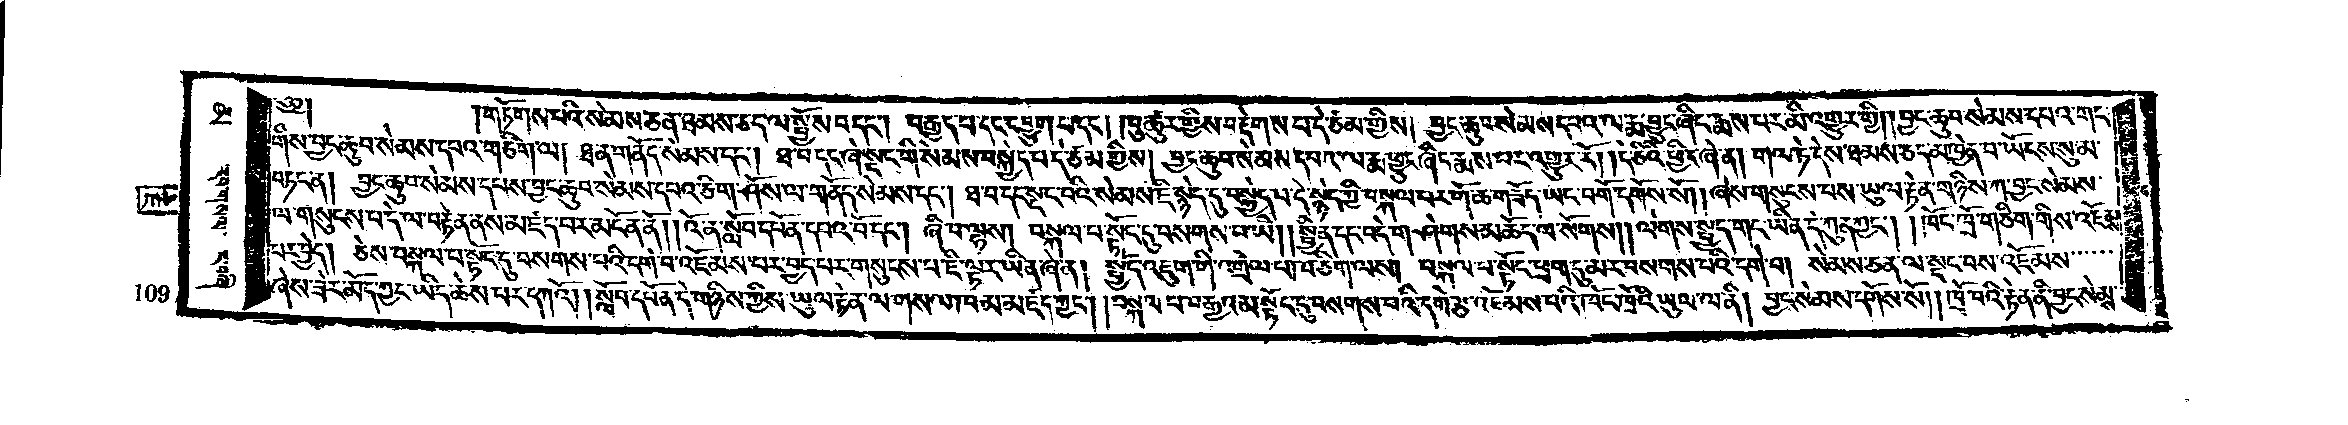༄༅། །གཏོགས་པའི་སེམས་ཅན་ཐམས་ཅད་ལ་སྤྱོས་པ་དང་། བརྒྱད་པ་དང་དབྱུག་པ་དང་། ཁུ་ཚུར་གྱིས་བརྡེགས་པ་དེ་ཙམ་གིས་བྱང་ཆུབ་སེམས་དཔའ་ལ་རྨ་བྱུང་ཞིང་རྨས་པར་མི་འགྱུར་གྱི། །བྱང་ཆུབ་སེམས་དཔའ་གང་
གིས་བྱང་ཆུབ་སེམས་དཔའ་གཅིག་ལ། ཐ་ན་གནོད་སེམས་དང་། ཐ་བ་དང་ཞེ་སྡང་གི་སེམས་བསྐྱེད་པ་དེ་ཙམ་གྱིས། བྱང་ཆུབ་སེམས་དཔའ་ལ་རྨ་ཕྱུང་ཞིང་རྨས་པར་འགྱུར་རོ། །དེ་ཅིའི་ཕྱིར་ཞེ་ན། གལ་ཏེ་དེས་ཐམས་ཅད་མཁྱེན་པ་ཡོངས་སུ་མ་
བཏང་ན། བྱང་ཆུབ་སེམས་དཔའ་བྱང་ཆུབ་སེམས་དཔའ་ཅིག་ཤོས་ལ་གནོད་སེམས་དང་། ཐ་བ་དང་སྡང་བའི་སེམས་ཇི་སྙེད་དུ་བསྐྱེད་པ་དེ་སྙེད་ཀྱི་བསྐལ་བར་གོ་ཆ་གཟོད་ཡང་བགོ་དགོས་སོ། །ཞེས་གསུངས་པས་ཡུལ་རྟེན་གཉིས་ཀ་བྱང་སེམས་
ལ་གསུངས་པ་དེ་ལ་བརྟེན་ནས་མཛད་པར་མངོན་ནོ། །འོ་ན་སློབ་དཔོན་དཔའ་བོ་དང་། ཞི་བ་ལྷས། བསྐལ་པ་སྟོང་དུ་བསགས་པ་ཡི། །སྦྱིན་དང་བདེ་གཤེགས་མཆོད་ལ་སོགས། །ལེགས་སྤྱད་གང་ཡིན་དེ་ཀུན་ཀྱང་། །ཁོང་ཁྲོ་གཅིག་གིས་འཇོམས་
པར་བྱེད། ཅེས་བསྐལ་པ་སྟོང་དུ་བསགས་པའི་དགེ་བ་འཇོམས་པར་བྱད་པར་གསུངས་པ་ཇི་ལྟར་ཡིན་ཞེ་ན། སྤྱད་འཇུག་གི་འགྲེལ་པ་ཁ་ཅིག་ལས། བསྐལ་པ་སྟོང་ཕྲག་དུ་མར་བསགས་པའི་དགེ་བ། སེམས་ཅན་ལ་སྡང་བས་འཇོམས་
ཞེས་ཟེར་མོད་ཀྱང་ཡིད་ཆེས་པར་དཀའོ། །སློབ་དཔོན་དེ་གཉིས་ཀྱིས་ཡུལ་རྟེན་ལ་གསལ་ཁ་མ་མཛད་ཀྱང་། །བསྐལ་པ་བརྒྱའམ་སྟོང་དུ་བསགས་པའི་དགེ་རྩ་འཇོམས་པའི་ཁོང་ཁྲོའི་ཡུལ་ལ་ནི། བྱང་སེམས་དགོས་སོ། །ཁྲོ་བའི་རྟེན་ནི་བྱང་སེམས་